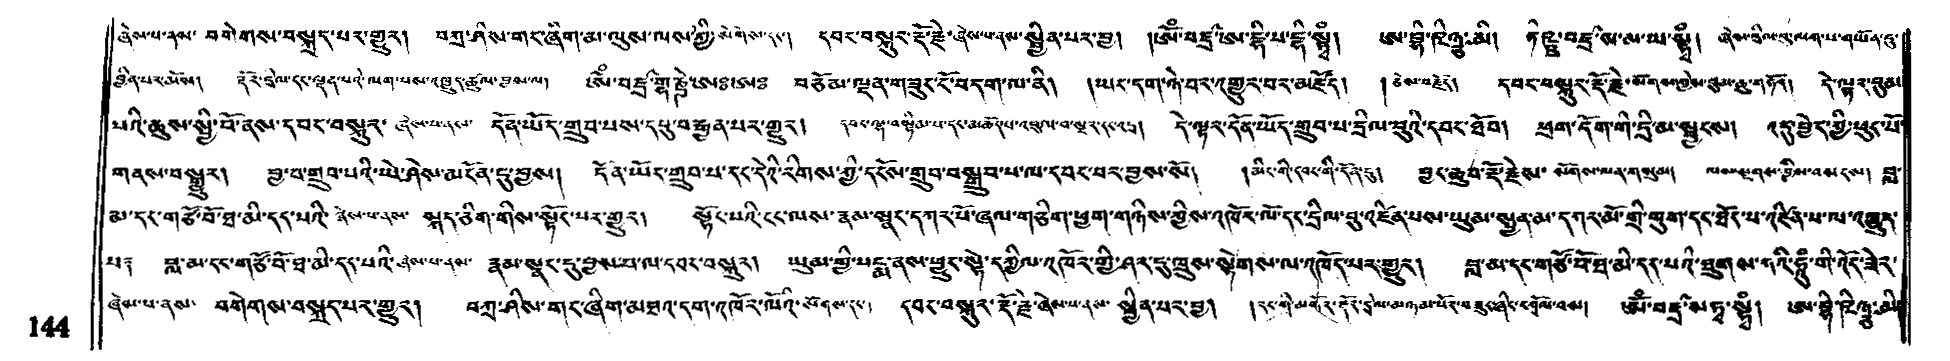ཞེས་པ་ནས་བགེགས་བསྐྲད་པར་གྱུར། བཀྲ་ཤིས་གང་ཞིག་མ་ལུས་ལས་ཀྱི་སོགས་དང་།  དབང་བསྐུར་རྡོ་རྗེ་ཞེས་པ་ནས་སྦྱིན་པར་བྱ། །ཨོཾ་བཛྲ་ཨ་དྷི་པ་དྷི་སྟྭཾ། ཨ་བྷི་ཥི་ཉྩ་མི། ཏིཥཊཿཨ་བཛྲ་ས་མ་ཡ་སྟྭཾ། ཞེས་དྲིལ་བུ་ལག་པ་གཡོན་དུ་
བྱིན་པར་མོས། རྡོར་དྲིལ་དང་ལྡན་པའི་ལག་པས་འཁྱུད་ཚུལ་བྱས་ལ། ཨོཾ་བཛྲ་གྷཎྜེ་ཨཿ ཨཿ བཅོམ་ལྡན་འདས་གཟུང་ངོ་བདག་ལ་ནི། །ཡང་དག་ཉེ་བར་འགྱུར་བར་མཛོད། །ཅེས་བརྗོད།  དབང་བསྐུར་རྡོ་རྗེ་སོགས་ཀྱིས་བུམ་ཆུ་གཏོར།  དེ་ལྟར་བུམ་
པའི་ཆུས་སྤྱི་བོ་ནས་དབང་བསྐུར་ཞེས་པ་ནས་དོན་ཡོད་གྲུབ་པས་དབུ་བརྒྱན་པར་གྱུར། དབང་ལྷ་བསྟིམ་པ་དང་མཆོད་པ་འབུལ་བ་སྔར་དང་འདྲ།  དེ་ལྟར་དོན་ཡོད་གྲུབ་པ་དྲིལ་བུའི་དབང་ཐོབ། ཕྲག་དོག་གི་དྲི་ས་སྦྱངས། འདུ་བྱེད་ཀྱི་ཕུང་པོ་
གནས་བསྒྱུར། བྱ་བ་གྲུབ་པའི་ཡེ་ཤེས་མངོན་དུ་བྱས། དོན་ཡོད་གྲུབ་པ་དང་དེའི་རིགས་ཀྱི་དངོས་གྲུབ་བསྒྲུབ་པ་ལ་དབང་བར་བྱས་སོ། །མིང་གི་དབང་གི་དོན་དུ།  བྱང་ཆུབ་རྡོ་རྗེས་སོགས་ལན་གསུམ། ལས་སྔགས་ཀྱིས་བསངས།  བླ་
མ་དང་གཙོ་བོ་ཐ་མི་དད་པའི་ཞེས་པ་ནས་སྐད་ཅིག་གིས་སྟོང་པར་གྱུར། སྟོང་པའི་ངང་ལས་རྣམ་སྣང་དཀར་པོ་ཞལ་གཅིག་ཕྱག་གཉིས་ཀྱིས་འཁོར་ལོ་དང་དྲིལ་བུ་འཛིན་པས་ཡུམ་སྤྱན་མ་དཀར་མོ་གྲི་གུག་དང་ཐོད་པ་འཛིན་པ་ལ་འཁྱུད་
པ༑ བླ་མ་དང་གཙོ་བོ་ཐ་མི་དད་པའི་ཞེས་པ་ནས་རྣམ་སྣང་དུ་བྱས་པ་ལ་དབང་བསྐུར། ཡུམ་གྱི་པདམ་ནས་ཕྱུང་སྟེ་དཀྱིལ་འཁོར་གྱི་ཤར་དུ་ཁྲུས་སྟེགས་ལ་འཁོད་པར་གྱུར། བླ་མ་དང་གཙོ་བོ་ཐ་མི་དད་པའི་ཐུགས་ཀའི་ཧཱུཾ་གི་འོད་ཟེར་
ཞེས་པ་ནས་བགེགས་བསྐྲད་པར་གྱུར། བཀྲ་ཤིས་གང་ཞིག་མཐའ་དག་འཁོར་ལོའི་སོགས་དང་།  དབང་བསྐུར་རྡོ་རྗེ་ཞེས་པ་ནས་སྦྱིན་པར་བྱ། །རང་གི་མགོར་རྡོར་དྲེལ་མཉམ་པོར་བཟུང་ཞིང་དཀྲོལ་བས།  ཨོཾ་བཛྲ་སཏྭ་སྟྭཾ། ཨ་བྷི་ཥིཉྩ་མི།